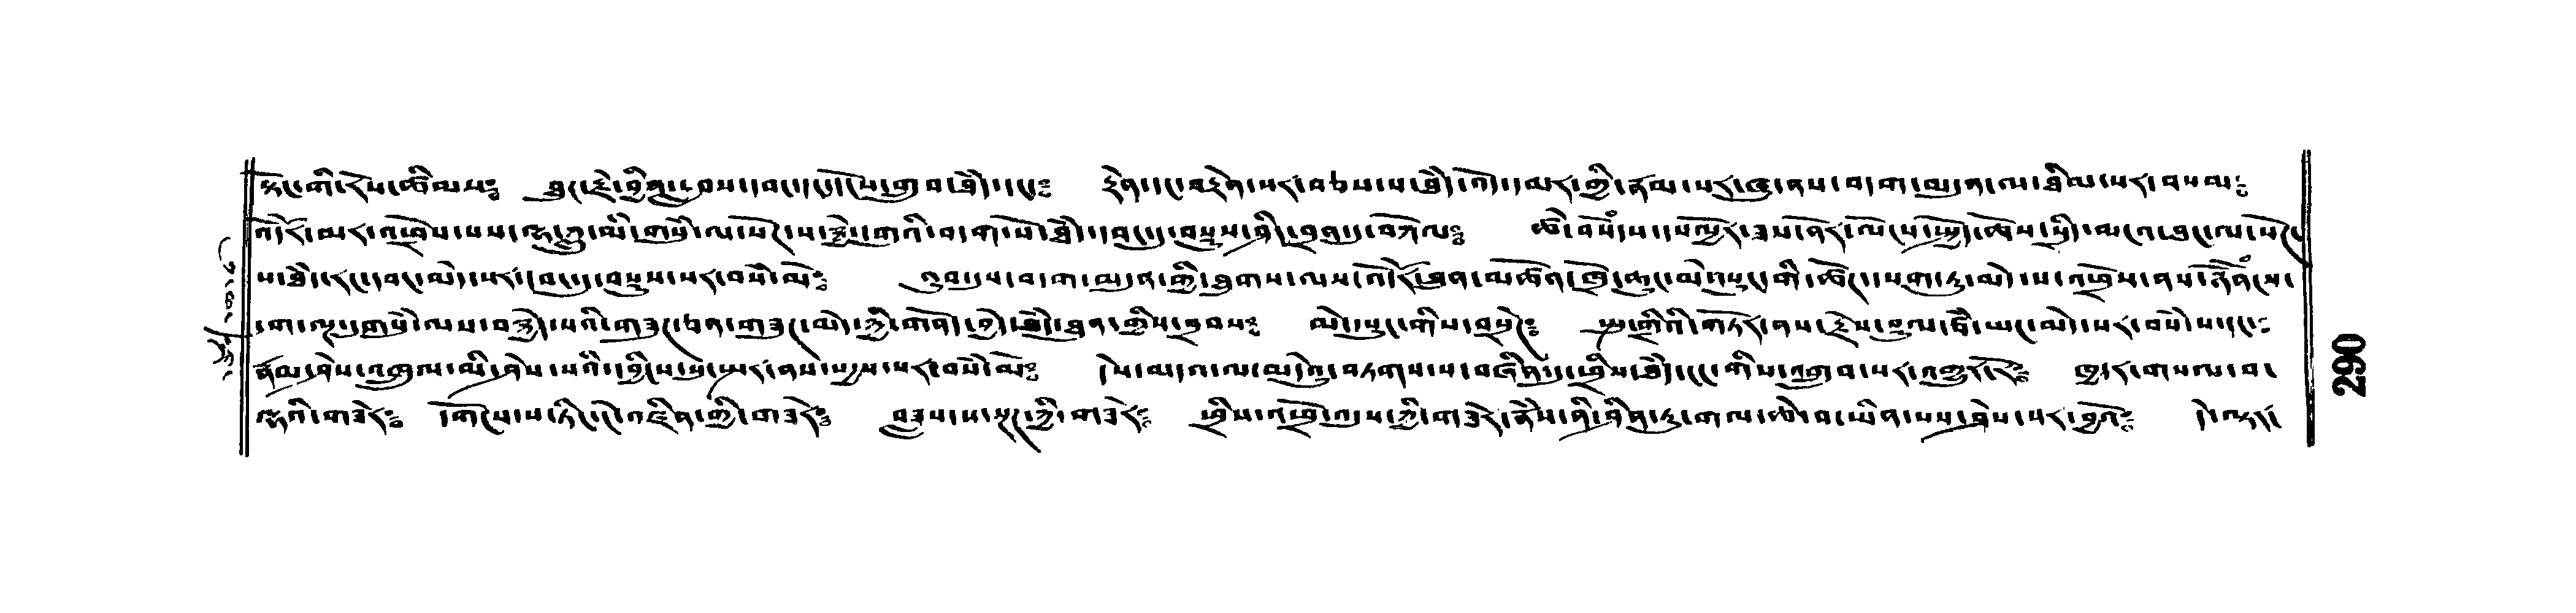སྟོང་གི་རོས་ཚིམས༔ ཐུགས་རྗེ་བྱིན་རླབས་དབང་དང་དངོས་གྲུབ་ཐམས་ཅད་དང༔ རྟེན་དང་བརྟེན་པར་བཅས་པ་ཐམས་ཅད་འོད་དམར་གྱི་རྣམ་པར་ཞུ་ནས་བདག་མདུན་ལ་ཐིམ་པར་བསམ༔ 
འོད་ཟེར་མར་འཕྲོས་པས་ལྷ་ཀླུ་མི་གསུམ་ལ་སོགས་པ་སྐྱེ་དགུའི་བདག་པོ་ཐམས་ཅད་དབང་དུ་བསྡུས་ཤིང་བྲན་དུ་བཀོལ༔ ཚེ་བསོད་ནམས་དཔལ་འབྱོར་ཟས་ནོར་ལོངས་སྤྱོད་ཆོས་སྲིད་མངའ་ཐང་ལ་སོགས་
པ་ཐམས་ཅད་རང་དབང་མེད་པར་དབང་དུ་བསྡུས་པར་བསམ་མོ༔ ནུབ་དུས་བདག་མདུན་གྱི་ཐུགས་ལས་འོད་ཟེར་ཐུན་མཚོན་ཁྲོ་ཆུང་མེ་དཔུང་གི་ཚོགས་དཔག་ཏུ་མེད་པ་འཕྲོས་ནས་ཉོན་མོངས་
དུག་ལྔ་དུག་གསུམ་ལས་བསྐྱེད་པའི་གཟུགས་ཅན་གཟུགས་མེད་ཀྱི་གནོད་བྱེད་ཐམས་ཅད་ཐུན་གྱིས་བྲབས༔ མེ་དཔུང་གིས་བསྲེགས༔ སྤུ་གྲིའི་གཏོར་ནས་རྗེས་ཤུལ་ཙམ་ཡང་མེད་པར་བསམ་པ་དང༔ 
རྣམ་ཤེས་འཁྲུལ་མི་ཤེས་པའི་དབྱིངས་སུ་སྤར་ནས་སངས་རྒྱས་པར་བསམ་མོ༔ དེས་མདེའུ་ལ་མེ་འུ་བཏགས་པ་བཞིན་དུ་ཕྲིན་ལས་ཐམས་ཅད་ངང་གིས་འགྲུབ་པར་འགྱུར་རོ༔ ཁྱད་པར་གསལ་བ་
ལྷའི་གཟེར༔ དགོངས་པ་ཏིང་ངེ་འཛིན་གྱི་གཟེར༔ བཟླས་པ་སྔགས་ཀྱི་གཟེར༔ ཕྲིན་ལས་འཕྲོ་འདུའི་གཟེར་རྣམས་ནི་ཤིན་རུ་གལ་ཆེ་བ་ཡིན་པས་ཤེས་པར་བྱའོ༔ དེ་ལྟར་